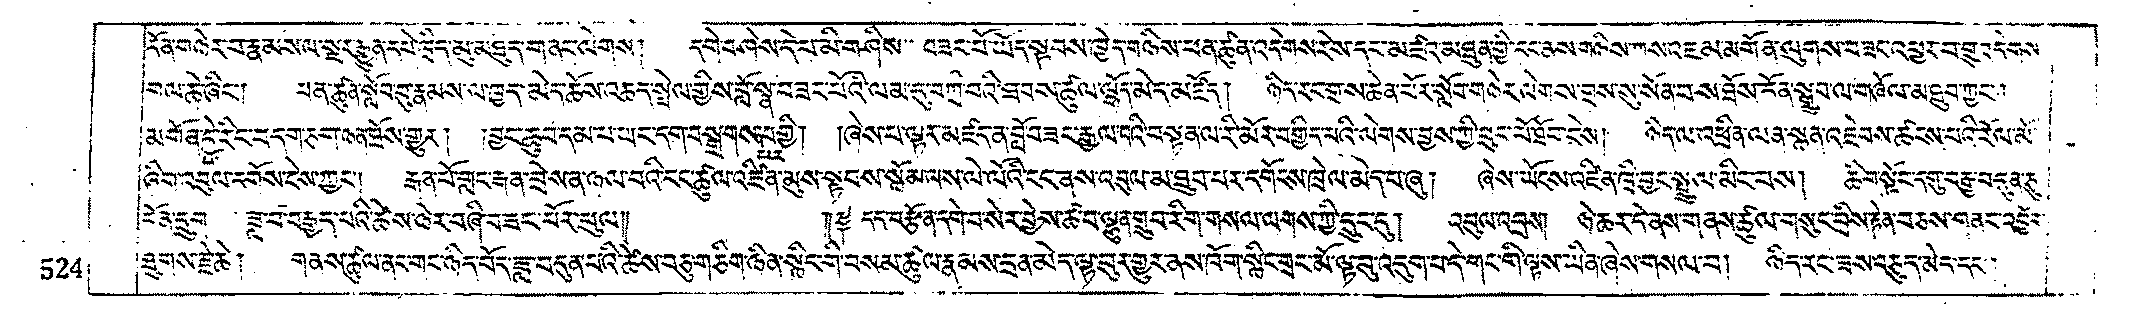དོན་གཉེར་བ་རྣམས་ལ་སྔར་རྒྱུན་དཔེ་ཁྲིད་མུ་མཐུད་གནང་ལེགས། དགེ་བཤེས་དེ་པ་མི་གཤིས་་་བཟང་པོ་ཡོད་སྟབས་ཁྱེད་གཉིས་ཕན་ཚུན་འདེགས་རེས་དང་མཛའ་མཐུན་གྱི་དང་ནས་གཉིས་ཀས་འཇམ་མགོན་ལུགས་བཟང་འཕྱར་བ་གྲུ་འདེགས་
གལ་ཆེ་ཞིང་། ཕན་ཚུན་སློབ་བུ་རྣམས་ལ་ཁྱད་མེད་ཆོས་འཆད་སྤེལ་གྱིས་བློ་སྣ་བཟང་པོའི་ལམ་དུ་བཀྲི་བའི་ཐབས་ཚུལ་ལྷོད་མེད་མཛོད། ཉིད་རང་གྲ་ས་ཆེན་པོར་སློབ་གཉེར་ལེགས་གྲས་སུ་སོན་པས་ཐོས་དོན་སྒྲུབ་ལ་གཞོལ་མ་ཐུབ་ཀྱང་།
མགོན་པོ་དེ་རིང་བདག་ཅག་ཉན་ཐོས་གྱུར། །བྱང་ཆུབ་དམ་པ་ཡང་དག་བསྒྲགས་པར་བགྱི། །ཞེས་པ་ལྟར་མཛད་ན་བློ་བཟང་རྒྱལ་བའི་བསྟན་ལ་རི་མོར་བགྱིད་པའི་ལེགས་བྱས་ཀྱི་ཕུང་པོ་ཐོབ་ངེས། ཉིད་ལ་འཕྲིན་ལན་སྙན་འཇེབས་ཚངས་པའི་རོལ་མོ་
ཞིག་འབུལ་དགོས་ངེས་ཀྱང་། རྒན་པོ་གླང་རྒན་བྲེས་ན་ཉལ་བའི་ངང་ཚུལ་འཛིན་མུས་སྟབས་སྙོམ་ལས་ལེ་ལོའི་ངང་ནས་འབུལ་མ་ཐུབ་པར་དགོངས་ཁྲེལ་མེད་པ་ཞུ། ཞེས་ཡོངས་འཛིན་ཁྲི་བྱང་སྤྲུལ་མིང་པས། ཆིག་སྟོང་དགུ་བརྒྱ་བདུན་ཅུ་
དོན་དྲུག་ཟླ་བ་བརྒྱད་པའི་ཚེས་ཉེར་བཞི་བཟང་པོར་ཕུལ།། །། འ་དད་བརྩོན་དགེ་བ་སེར་བྱེས་ཚ་བ་ལྷུན་གྲུབ་རིག་གསལ་ལགས་ཀྱི་དྲུང་དུ། འབུལ་འབྲས། ཉེ་ཆར་དེ་ནས་གནས་ཚུལ་གསུང་བྲིས་རྟེན་བཅས་གནང་འབྱོར་
ཐུགས་རྗེ་ཆེ། གནས་ཚུལ་ནང་གང་ཉིད་བོད་ཟླ་བདུན་པའི་ཚེས་བཅུ་གཅིག་ཉིན་སྙིང་གི་བསམ་ཚུལ་རྣམས་དྲན་མེད་ལྟ་བུར་གྱུར་ནས་ཁོག་སྙིང་གྲང་མོ་ལྟ་བུ་འདུག་པ་དེ་གང་གི་ལྟས་ཡིན་ཞེས་གསལ་བ། ཉིད་རང་ཟས་བཅུད་མེད་དང་།